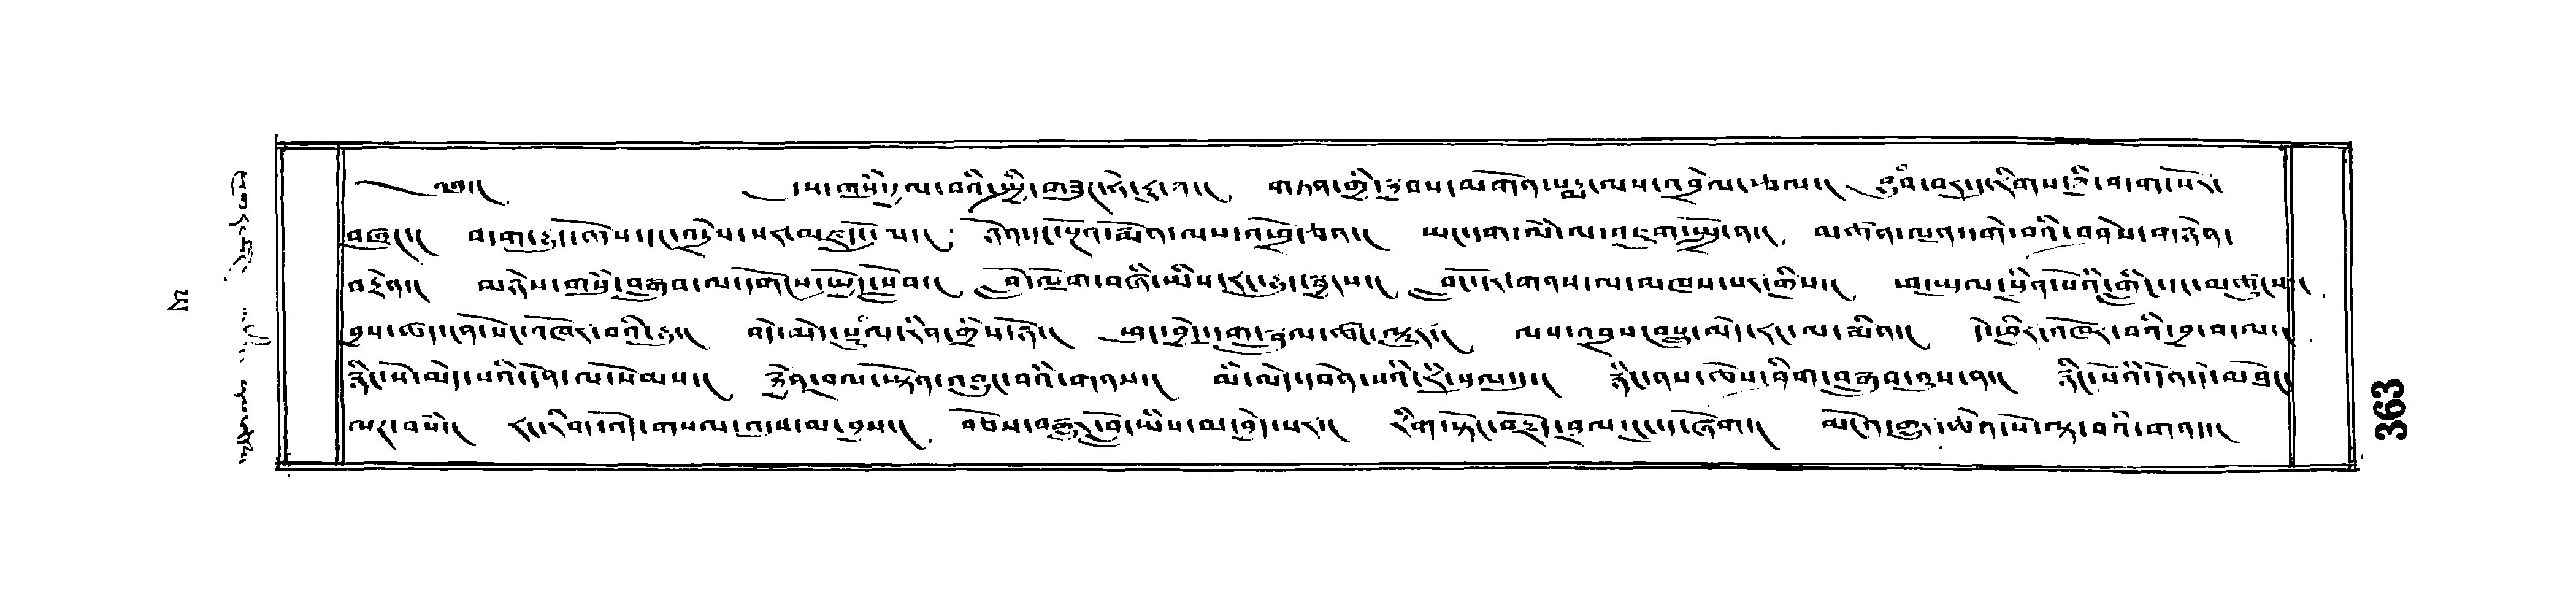དུས་གསུམ་རྒྱལ་བའི་སྤྱི་གཟུགས་ཧེ་རུ་ཀ །གཏན་གྱི་སྐྱབས་མགོན་པདྨ་ལས་འབྲེལ་རྩལ། །བྱང་ཆུབ་བར་དུ་རིགས་ཀྱི་བདག་པོར་
བཞུགས། །བདག་རྒྱུད་ཆོས་དང་འདྲེས་པར་མཛད་དུ་གསོལ། །ཉོན་དང་སྔོན་སྨོན་ལས་འཕྲོ་ཅན། །ཡང་དག་ལམ་ལ་འཇུག་སྤྲོ་ན། །མཚན་ལྡན་དགེ་བའི་བཤེས་གཉེན་
བསྟེན། །མཉེས་གསུམ་བསྒྲུབ་ལ་དགོངས་སྤྱོད་སློབས། །བློ་ལྡོག་བཞི་ཡིས་རང་རྒྱུད་སྦྱོངས། །བླང་དོར་གནས་ལ་མཁས་པར་གྱིས། །ཕ་ཡུལ་སྲིན་པོའི་གླིང་དང་མཚུངས། །
བྱས་ཚད་ངན་སོང་འཁོར་བའི་རྒྱུ། །བདེ་མེད་སྡུག་བསྔལ་རིན་གྱིས་ཉོ། །ཕུད་བྱེད་དུག་སྦྲུལ་ཚང་ལྟ་བུར། །ལས་འབྲས་བསླུ་མེད་རང་ལ་སྨིན། །དེ་ཕྱིར་འཁོར་བའི་བྱ་བ་ལ། །
སྙིང་པོ་མེད་པའི་དོན་ལ་སེམས། །རྐྱེན་བྲལ་ཡོན་ཏན་འབྱུང་བའི་གནས། །མི་མེད་དབེན་པའི་རི་སུལ་དུ། །སྙིང་ནས་ཆོས་ཤིག་བསྒྲུབ་ནུས་ན། །སྙིང་པོའི་དོན་དེ་མཐོང་
ལགས་བསམ། །རང་རིག་འོད་གསལ་འདུས་མ་བྱས། །བཅོས་བསྒྱུར་བློ་ཡིས་མ་བྱེད་པར། །རིག་སྟོང་བརྗོད་བྲལ་ངང་དུ་ཞོག །མངོན་གྱུར་ཆེན་པོ་ལྟ་བའི་གནད།